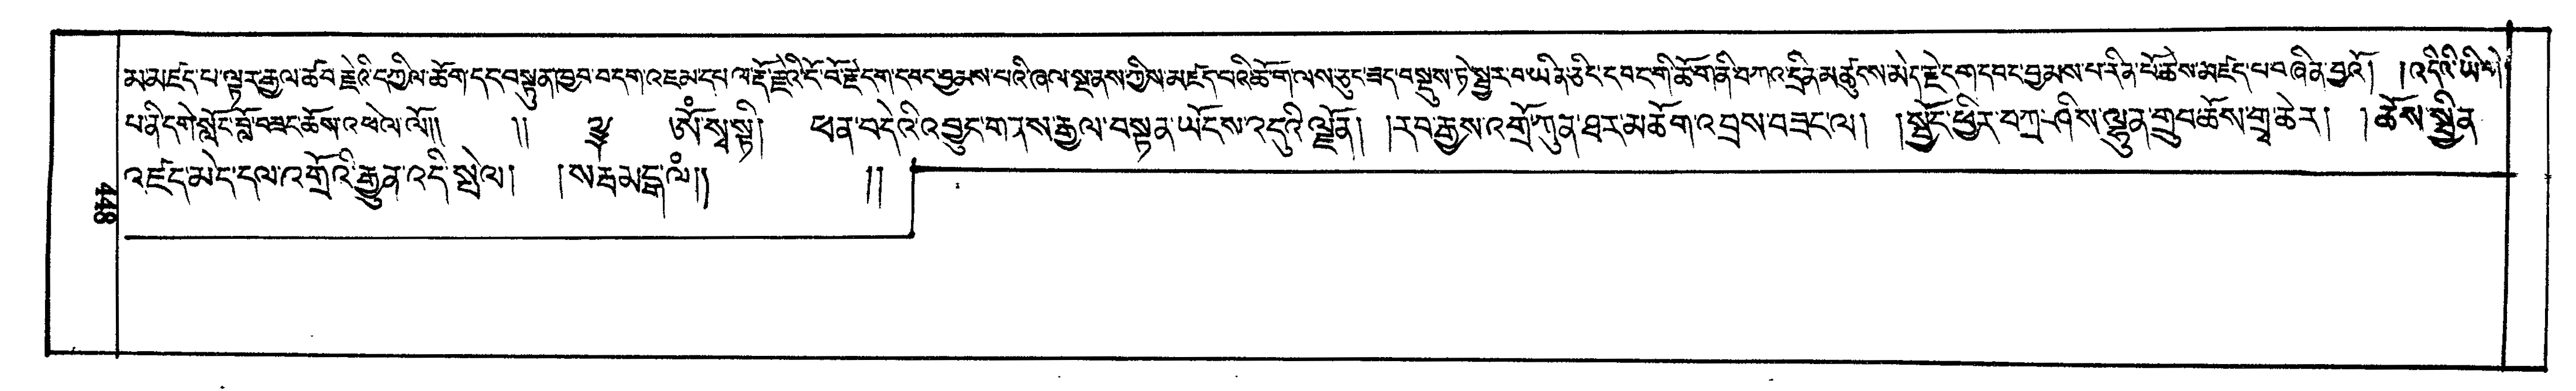མ་མཛད་པ་ལྟར་རྒྱལ་ཚབ་རྗེའི་དཀྱིལ་ཆོག་དང་བསྟུན་ཁྱབ་བདག་འཇམ་དཔལ་རྡོ་རྗེའི་ངོ་བོ་རྗེ་ངག་དབང་བྱམས་པའི་ཞལ་སྔ་ནས་ཀྱིས་མཛད་པའི་ཆོག་ལས་ཅུང་ཟད་བསྡུས་ཏེ་སྦྱར་བ་ཡིན་ཅིང་དབང་གི་ཆོ་ག་ནི་བཀའ་དྲིན་མཚུངས་མེད་རྗེ་ངག་དབང་བྱམས་པ་རིན་པོ་ཆེས་མཛད་པ་བཞིན་བྱའོ། །འདིའི་ཡི་གེ་
བ་ནི་དགེ་སློང་བློ་བཟང་ཆེས་འཕེལ་ལོ།། །།༈ ཨོཾ་སྭསྟི། ཕན་བདེའི་འབྱུང་གནས་རྒྱལ་བསྟན་ཡོངས་འདུའི་ལྗོན། །རབ་རྒྱས་འགྲོ་ཀུན་ཐར་མཆོག་འབྲས་བཟང་ལ། །སྦྱོང་ཕྱིར་བཀྲ་ཤིས་ལྷུན་གྲུབ་ཆོས་གྲྭ་ཆེར། །ཆོས་སྦྱིན་
འཛད་མེད་དལ་འགྲོའི་རྒྱུན་འདི་སྤེལ། །སརྦ་མངྒ་ལཾ།། །།